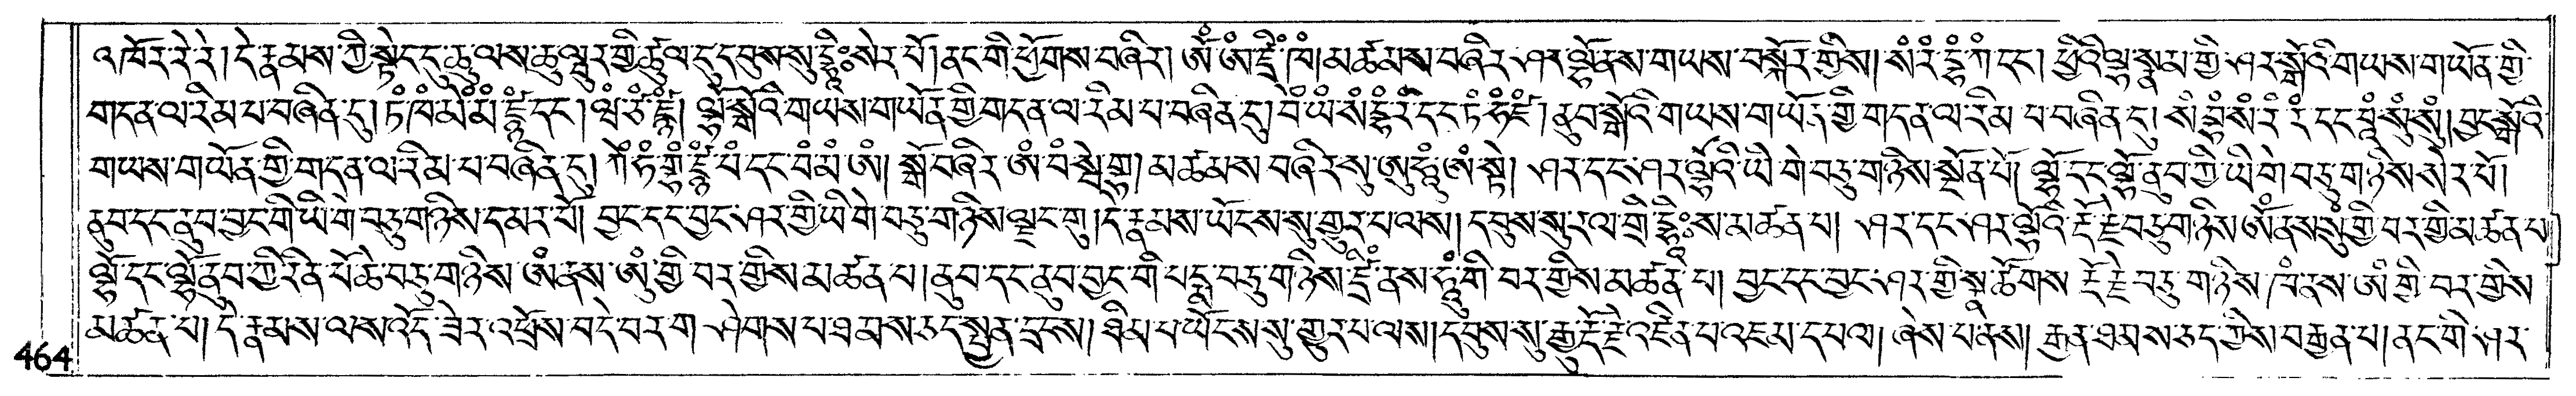འཁོར་རེ་རེ། དེ་རྣམས་ཀྱི་སྟེང་དུ་ཆུ་ལས་ཆུ་ཝུར་གྱི་ཚུལ་དུ་དབུས་སུ་དྷཱིཿ སེར་པོ། ནང་གི་ཕྱོགས་བཞིར། ཨོཾ་ཨཾ་ཛྲིཾ་ཁཾ། མཚམས་བཞིར་ཤར་ལྷོ་ནས་གཡས་བསྐོར་གྱིས། སཾ་རཾ་དྷཾ་ཀཾ་དང་། ཕྱིའི་ལྷ་སྣམ་གྱི་ཤར་སྒོའི་གཡས་གཡོན་གྱི་
གདན་ལ་རིམ་པ་བཞིན་དུ། ཏཾ་ཁཾ་མེཾ་མཾ་ཛྙཾ་དང་། ཝཾ་ཙཾ་ཛྙཾ། ལྷོ་སྒོའི་གཡས་གཡོན་གྱི་གདན་ལ་རིམ་པ་བཞིན་དུ། བེཾ་ཡཾ་སཾ་དྷཾ་རཾ་དང་ཏཾ་ཧཾ་ཛཾ། ནུབ་སྒོའི་གཡས་གཡོན་གྱི་གདན་ལ་རིམ་པ་བཞིན་དུ། སཾ་བྷཾ་སཾ་རཾ་རཾ་དང་པཱཾ་སུཾ་སུཾ། བྱང་སྒོའི་
གཡས་གཡོན་གྱི་གདན་ལ་རིམ་པ་བཞིན་དུ། ཀེཾ་ཧཾ་གྷཾ་ཛྙཾ་པཾ་དང་བཾ་མཾ་ཨཾ། སྒོ་བཞིར་ཨཾ་བཾ་སྦེ་གྷ། མཚམས་བཞིར་སུ་ཨུ་ཧཱུཾ་ཨཾ་སྟེ། ཤར་དང་ཤར་ལྷོའི་ཡི་གེ་བཅུ་གཉིས་སྔོན་པོ། ལྷོ་དང་ལྷོ་ནུབ་ཀྱི་ཡི་གེ་བཅུ་གཉིས་སེར་པོ།
ནུབ་དང་ནུབ་བྱང་གི་ཡི་གེ་བཅུ་གཉིས་དམར་པོ། བྱང་དང་བྱང་ཤར་གྱི་ཡི་གེ་བཅུ་གཉིས་ལྗང་གུ །དེ་རྣམས་ཡོངས་སུ་གྱུར་པ་ལས། དབུས་སུ་རལ་གྲི་དྷཱིཿ ས་མཚན་པ། ཤར་དང་ཤར་ལྷོའི་རྡོ་རྗེ་བཅུ་གཉིས་ཨོཾ་ནས་སུཾ་གྱི་བར་གྱི་མཚན་པ་
ལྷོ་དང་ལྷོ་ནུབ་ཀྱི་རིན་པོ་ཆེ་བཅུ་གཉིས་ཨཾ་ནས་ཨུཾ་གྱི་བར་གྱིས་མཚན་པ། ནུབ་དང་ནུབ་བྱང་གི་པདམ་བཅུ་གཉིས་ཛྲིཾ་ནས་ཧཱུཾ་གི་བར་གྱིས་མཚན་པ། བྱང་དང་བྱང་ཤར་གྱི་སྣ་ཚོགས་རྡོ་རྗེ་བཅུ་གཉིས་ཁཾ་ནས་ཨཾ་གྱི་བར་གྱིས་
མཚན་པ། དེ་རྣམས་ལས་འོད་ཟེར་འཕྲོས་བདེ་བར་གཤེགས་པ་ཐམས་ཅད་སྤྱན་དྲངས། ཐིམ་པ་ཡོངས་སུ་གྱུར་པ་ལས། དབུས་སུ་རྒྱུ་རྡོ་རྗེ་འཛིན་པ་འཇམ་དཔལ། ཞེས་པ་ནས། རྒྱན་ཐམས་ཅད་ཀྱིས་བརྒྱན་པ། ནང་གི་ཤར་